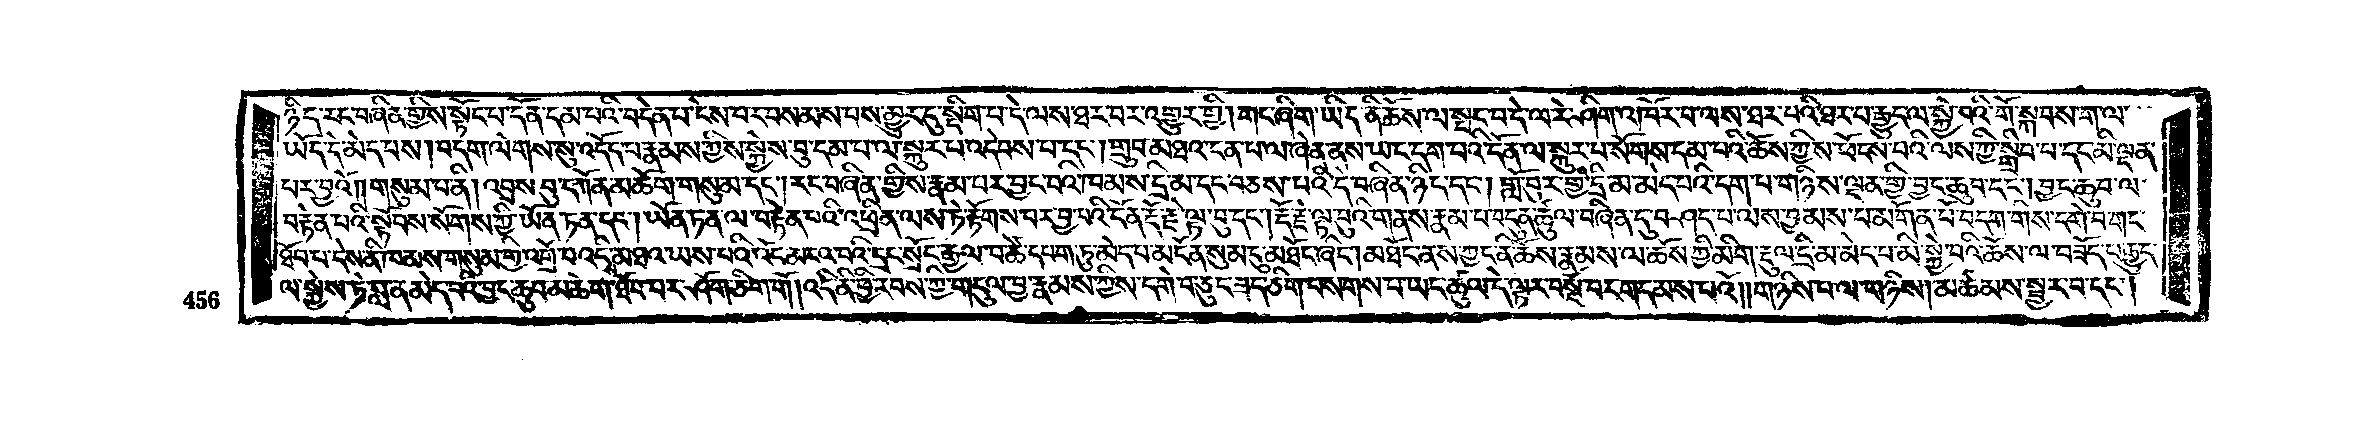ཉིད་རང་བཞིན་གྱིས་སྟོང་པ་དོན་དམ་པའི་བདེན་པ་ངེས་པར་བསམས་པས་མྱུར་དུ་སྡིག་པ་དེ་ལས་ཐར་པར་འགྱུར་གྱི་།གང་ཞིག་ཡིད་ནི་ཆོས་ལ་སྤང་བ་དེ་ལ་རེ་ཤིག་འཁོར་བ་ལས་ཐར་པའི་ཐར་པ་རྒྱུད་ལ་སྐྱེ་བའི་གོ་སྐབས་ག་ལ་
ཡོད་དེ་མེད་པས། བདག་ལེགས་སུ་འདོད་པ་རྣམས་ཀྱིས་སྐྱེས་བུ་དམ་པ་ལ་སྐུར་བ་འདེབས་པ་དང་། གྲུབ་མཐའ་ངན་པ་ལ་ཞེན་ནས་ཡང་དག་པའི་དོན་ལ་སྐུར་པ་སོགས་དམ་པའི་ཆོས་ཀྱིས་འཕོངས་པའི་ལས་ཀྱི་སྒྲིབ་པ་དང་མི་ལྡན་
པར་བྱའོ། །གསུམ་པ་ནི། འབྲས་བུ་དཀོན་མཆོག་གསུམ་དང་། རང་བཞིན་གྱིས་རྣམ་པར་བྱང་བའི་ཁམས་དྲི་མ་དང་བཅས་པའི་དེ་བཞིན་ཉིད་དང་། གློ་བུར་གྱི་དྲི་མ་མེད་པའི་དག་པ་གཉིས་ལྡན་གྱི་བྱང་ཆུབ་དང་། བྱང་ཆུབ་ལ་
བརྟེན་པའི་སྟོབས་སོགས་ཀྱི་ཡོན་ཏན་དང་། ཡོན་ཏན་ལ་བརྟེན་པའི་འཕྲིན་ལས་ཏེ་རྟོགས་པར་བྱ་བའི་དོན་རྡོ་རྗེ་ལྟ་བུ་དང་། རྡོ་རྗེ་ལྟ་བུའི་གནས་རྣམ་པ་བདུན་ཚུལ་བཞིན་དུ་བཤད་པ་ལས་བྱམས་པ་མགོན་པོ་བདག་གིས་དགེ་བ་གང་
ཐོབ་པ་དེས་ནི་ཁམས་གསུམ་གྱི་འགྲོ་བ་འདིས་མཐའ་ཡས་པའི་འོད་མངའ་བའི་དྲང་སྲོང་རྒྱལ་བ་ཚེ་དཔག་ཏུ་མེད་པ་མངོན་སུམ་དུ་མཐོང་ཞིང་། མཐོང་ནས་ཀྱང་ནི་ཆོས་རྣམས་ལ་ཆོས་ཀྱི་མིག་རྡུལ་དྲི་མ་མེད་པ་མི་སྐྱེ་བའི་ཆོས་ལ་བཟོད་པ་རྒྱུད་
ལ་སྐྱེས་ཏེ་བླ་ན་མེད་པའི་བྱང་ཆུབ་མཆོག་ཐོབ་པར་ཤོག་ཅིག་གོ །འདི་ནི་ཕྱི་རབས་ཀྱི་གདུལ་བྱ་རྣམས་ཀྱིས་དགེ་བ་ཅུང་ཟད་ཅིག་བསགས་པ་ཡང་ཚུལ་དེ་ལྟར་བསྔོ་བར་གདམས་པའོ། །གཉིས་པ་ལ་གཉིས། མཚམས་སྦྱར་བ་དང་།